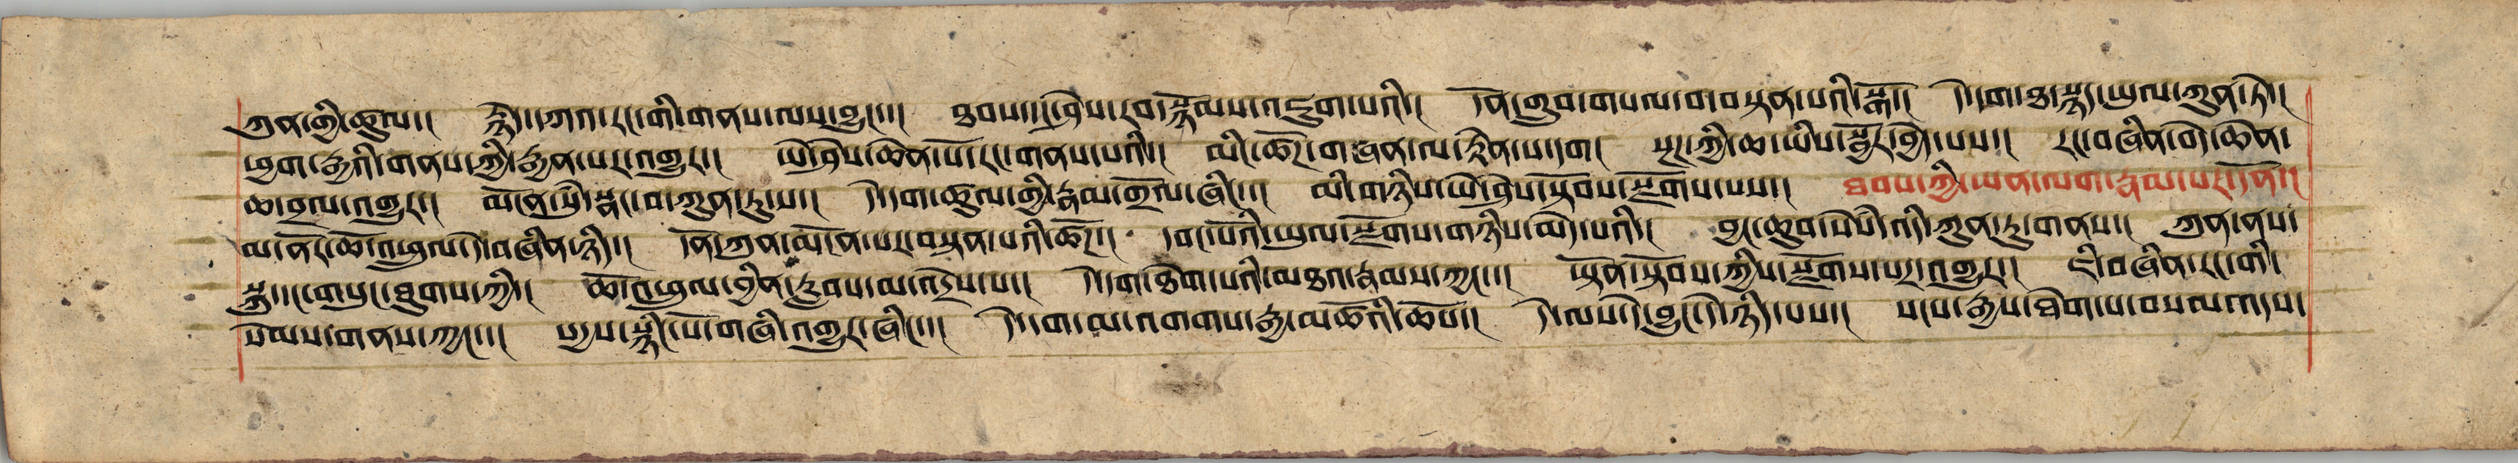ཀུན་གྱི་ཚུལ་། རྙེད་དཀའ་རང་གི་གནས་ལས་བྱུང་་། ཐབས་དང་ཤེས་རབ་སྙོམས་འཇུག་པའི་། དོན་གྲུབ་གསལ་བ་བསྟན་པའི་སྒོ་། དེ་དག་ཐ་སྙད་ཡུལ་ཀུན་ཏེ་།
ཕྱག་རྒྱའི་གནས་ཀྱི་རྒྱན་པར་འགྱུར་། ཡེ་ཤེས་ཆེན་པོ་རང་གནས་པའི་། མིང་ཚོཌ་གཞན་ལ་རྟེན་པ་དག། སྔཌ་ཀྱི་ཆ་ཡིས་སྦྱོར་བྱེད་པས་། རང་བཞིན་བདེ་ཆེན་
ཆ་བྲལ་འགྱུར་། མངོན་སུཾ་སྣང་བ་ཀུན་ཏུ་ས་། དེ་དག་ཚུལ་གྱི་རྣམ་གྲོལ་ཞིང་་། མི་གཉིས་ཡེ་ཤེས་སྟོབས་སྫོགས་པས་། ཐབས་ཀྱི་ཡན་ལག་རྣམ་པར་དོན་།
མ་ནོར་ཆོ་འཕྲུལ་དེ་བཞིན་ཉིད་། དོན་ཀུན་མངོན་པར་བསྟན་པའི་ཚོཌ་། དབང་པོའི་ཡུལ་སྫོགས་གཉིས་མེད་པའི་། བྱང་ཆུབ་སེཾས་འདི་ཀུན་ཏུ་གནས་། ཀུན་ནས་
སྐུ་དང་གསུང་ཐུགས་ཀྱི་། ཆོ་འཕྲུལ་བྱིན་རླབས་མ་འདྲེས་པ་། དེ་དག་ཐེག་པའི་མཐའ་རྣམས་ཀྱང་་། ཡྟོན་སྟོབས་ཀྱིས་སྫོགས་པར་འགྱུར་། ཇི་བཞིན་རང་གི་
སེམས་གནས་ཀྱང་་། སདྱས་སྙིང་པོ་གཞི་འགྱུར་ཞིང་་། དེ་དག་མ་འགགས་རྒྱ་མཚོའི་ཆོས་། དེ་ལས་དེ་བྱུང་དེ་ཉིད་པས་། སངས་རྒྱས་ཐེག་པ་བསམ་འདས་